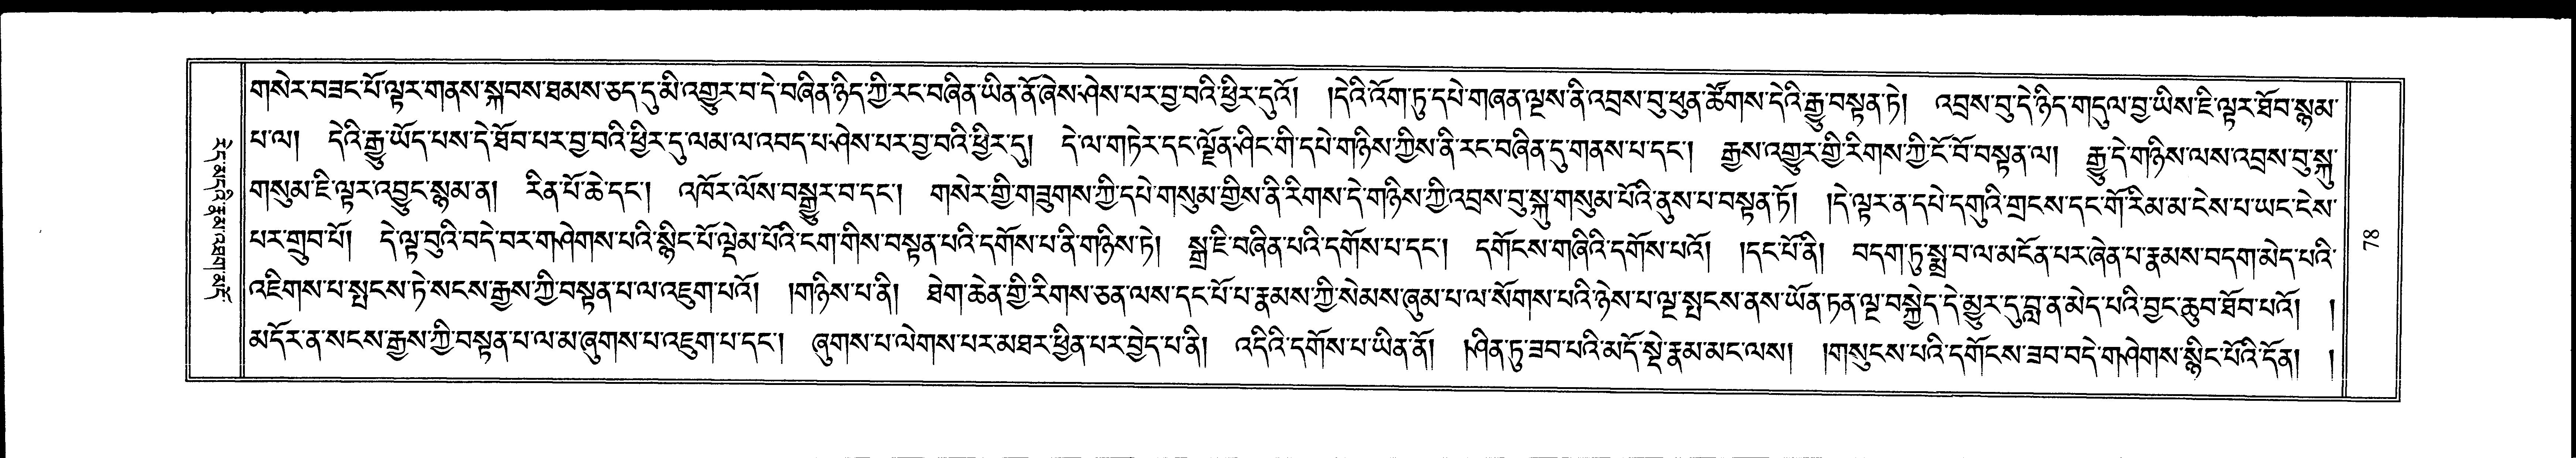གསེར་བཟང་པོ་ལྟར་གནས་སྐབས་ཐམས་ཅད་དུ་མི་འགྱུར་པ་དེ་བཞིན་ཉིད་ཀྱི་རང་བཞིན་ཡིན་ནོ་ཞེས་ཤེས་པར་བྱ་བའི་ཕྱིར་དུའོ། །དེའི་འོག་ཏུ་དཔེ་གཞན་ལྔས་ནི་འབྲས་བུ་ཕུན་ཚོགས་དེའི་རྒྱུ་བསྟན་ཏེ། འབྲས་བུ་དེ་ཉིད་གདུལ་བྱ་ཡིས་ཇི་ལྟར་ཐོབ་སྙམ་
པ་ལ། དེའི་རྒྱུ་ཡོད་པས་དེ་ཐོབ་པར་བྱ་བའི་ཕྱིར་དུ་ལམ་ལ་འབད་པ་ཤེས་པར་བྱ་བའི་ཕྱིར་དུ། དེ་ལ་གཏེར་དང་ལྗོང་ཤིང་གི་དཔེ་གཉིས་ཀྱིས་ནི་རང་བཞིན་དུ་གནས་པ་དང་། རྒྱས་འགྱུར་གྱི་རིགས་ཀྱི་ངོ་བོ་བསྟན་ལ། རྒྱུ་དེ་གཉིས་ལས་འབྲས་བུ་སྐུ་
གསུམ་ཇི་ལྟར་འབྱུང་སྙམ་ན། རིན་པོ་ཆེ་དང་། འཁོར་ལོས་བསྒྱུར་བ་དང་། གསེར་གྱི་གཟུགས་ཀྱི་དཔེ་གསུམ་གྱིས་ནི་རིགས་དེ་གཉིས་ཀྱི་འབྲས་བུ་སྐུ་གསུམ་པོའི་ནུས་པ་བསྟན་ཏོ། །དེ་ལྟར་ན་དཔེ་དགུའི་གྲངས་དང་གོ་རིམ་མ་ངེས་པ་ཡང་ངེས་
པར་གྲུབ་པོ། དེ་ལྟ་བུའི་བདེ་བར་གཤེགས་པའི་སྙིང་པོ་ལྡེམ་པོའི་ངག་གིས་བསྟན་པའི་དགོས་པ་ནི་གཉིས་ཏེ། སྒྲ་ཇི་བཞིན་པའི་དགོས་པ་དང་། དགོངས་གཞིའི་དགོས་པའོ། །དང་པོ་ནི། བདག་ཏུ་སྨྲ་བ་ལ་མངོན་པར་ཞེན་པ་རྣམས་བདག་མེད་པའི་
འཇིགས་པ་སྤངས་ཏེ་སངས་རྒྱས་ཀྱི་བསྟན་པ་ལ་འཇུག་པའོ། །གཉིས་པ་ནི། ཐེག་ཆེན་གྱི་རིགས་ཅན་ལས་དང་པོ་པ་རྣམས་ཀྱི་སེམས་ཞུམ་པ་ལ་སོགས་པའི་ཉེས་པ་ལྔ་སྤངས་ནས་ཡོན་ཏན་ལྔ་བསྐྱེད་དེ་མྱུར་དུ་བླ་ན་མེད་པའི་བྱང་ཆུབ་ཐོབ་པའོ། །
མདོར་ན་སངས་རྒྱས་ཀྱི་བསྟན་པ་ལ་མ་ཞུགས་པ་འཇུག་པ་དང་། ཞུགས་པ་ལེགས་པར་མཐར་ཕྱིན་པར་བྱེད་པ་ནི། འདིའི་དགོས་པ་ཡིན་ནོ། །ཤིན་ཏུ་ཟབ་པའི་མདོ་སྡེ་རྣམ་མང་ལས། །གསུངས་པའི་དགོངས་ཟབ་བདེ་གཤེགས་སྙིང་པོའི་དོན། །